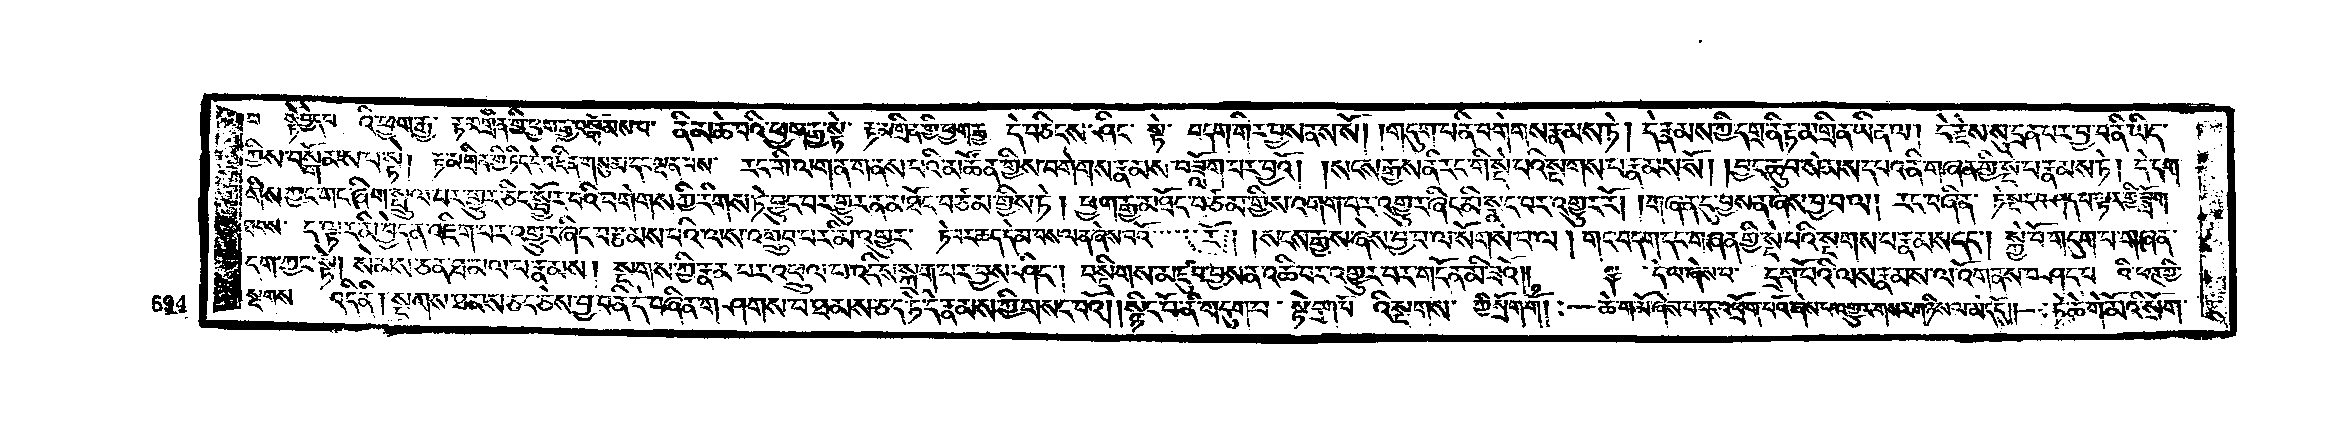བ་སྟེ་བྱེད་པའི་ཕྱག་རྒྱ་རྟ་མགྲིན་གྱི་ཕྱག་རྒྱ་བསྒོམས་པ་ནི་མཆེ་བའི་ཕྱག་རྒྱ་སྟེ་རྟ་མགྲིན་གྱི་ཕྱག་རྒྱ་དེ་བཅིངས་ཤིང་སྟེ་བདག་གིར་བྱས་ནས་སོ། །གདུག་པ་ནི་བགེགས་རྣམས་ཏེ། དེ་རྣམས་ཀྱི་དགྲ་ནི་རྟ་མགྲིན་ཡིན་ལ། དེ་རྗེས་སུ་དྲན་པར་བྱ་བ་ནི་ཡིད་
ཀྱིས་བསྒོམས་པ་སྟེ། རྟ་མགྲིན་གྱི་ཏིང་ངེ་འཛིན་གསུམ་དང་ལྡན་པས་རང་གི་ལག་ན་གནས་པའི་མཚོན་གྱིས་བགེགས་རྣམས་བཟློག་པར་བྱའོ། །སངས་རྒྱས་ནི་རང་གི་སྡེ་པའི་སྔགས་པ་རྣམས་སོ། །བྱང་ཆུབ་སེམས་དཔའ་ནི་གཞན་གྱི་སྡེ་པ་རྣམས་ཏེ། དེ་དག་
གིས་ཀྱང་གང་ཞིག་སྤྲུལ་པར་གྱུར་ཅིང་སྦྱོར་བའི་བགེགས་ཀྱི་རིགས་ཏེ་བྱུང་བར་གྱུར་ན་མཐོང་བ་ཙམ་གྱིས་ཏེ། ཕྱག་རྒྱ་མཐོང་བ་ཙམ་གྱིས་འགག་པར་འགྱུར་ཞིང་མི་སྣང་བར་འགྱུར་རོ། །གཞན་དུ་བྱས་ན་ཞེས་བྱ་བ་ལ། རང་བཞིན་ཏེ་སྔར་བཤད་པ་ལྟར་གྱི་ཟློག་
ཐབས་དེ་ལྟར་མི་བྱེད་ན་འཇིག་པར་འགྱུར་ཞིང་བརྩམས་པའི་ལས་འགྲུབ་པར་མི་འགྱུར་ཏེ་བར་ཆད་དེ་མ་བསལ་ན་ཞེས་པའོ་རོ། །སངས་རྒྱས་ཞེས་བྱ་བ་ལ་སོགས་པ་ལ། གང་བདག་དང་གཞན་གྱི་སྡེ་པའི་སྔགས་པ་རྣམས་དང་། སྐྱེ་བོ་གདུག་པ་གཞན་
དག་ཀྱང་སྟེ། སེམས་ཅན་ཐ་མལ་པ་རྣམས། སྔགས་ཀྱི་རྣམ་པར་འཕྲུལ་པ་འདིས་སྐྲག་པར་བྱས་ཤིང་། བསྡིགས་མཇུབ་བྱས་ན་འཆི་བར་འགྱུར་བར་གདོན་མི་ཟའོ།། ༈ དེ་ལ་ཞེས་པ་དྲག་པོའི་ལས་རྣམས་ལ་འོག་ནས་བཤད་པའི་ཕཊ་ཀྱི་
སྔགས་འདི་ནི། སྔགས་ཐམས་ཅད་ཅེས་བྱ་བ་ནི་དེ་བཞིན་གཤེགས་པ་ཐམས་ཅད་ཏེ་དེ་རྣམས་ཀྱི་གསང་བའོ། །སྙིང་པོ་ནི་གདུག་པ་སྙེ་དྲག་པོའི་སྔགས་ཀྱི་སྲོག་གོ །H.་ཆེ་ག་མོ་ཞེས་པ་དང་འཕྲོག་པའོ་ཞེས་པ་འགྱུར་གསར་གཉིས་ལ་མེད་དོ།།  .Hཏེ་ཆེ་གེ་མོའི་སྲོག་